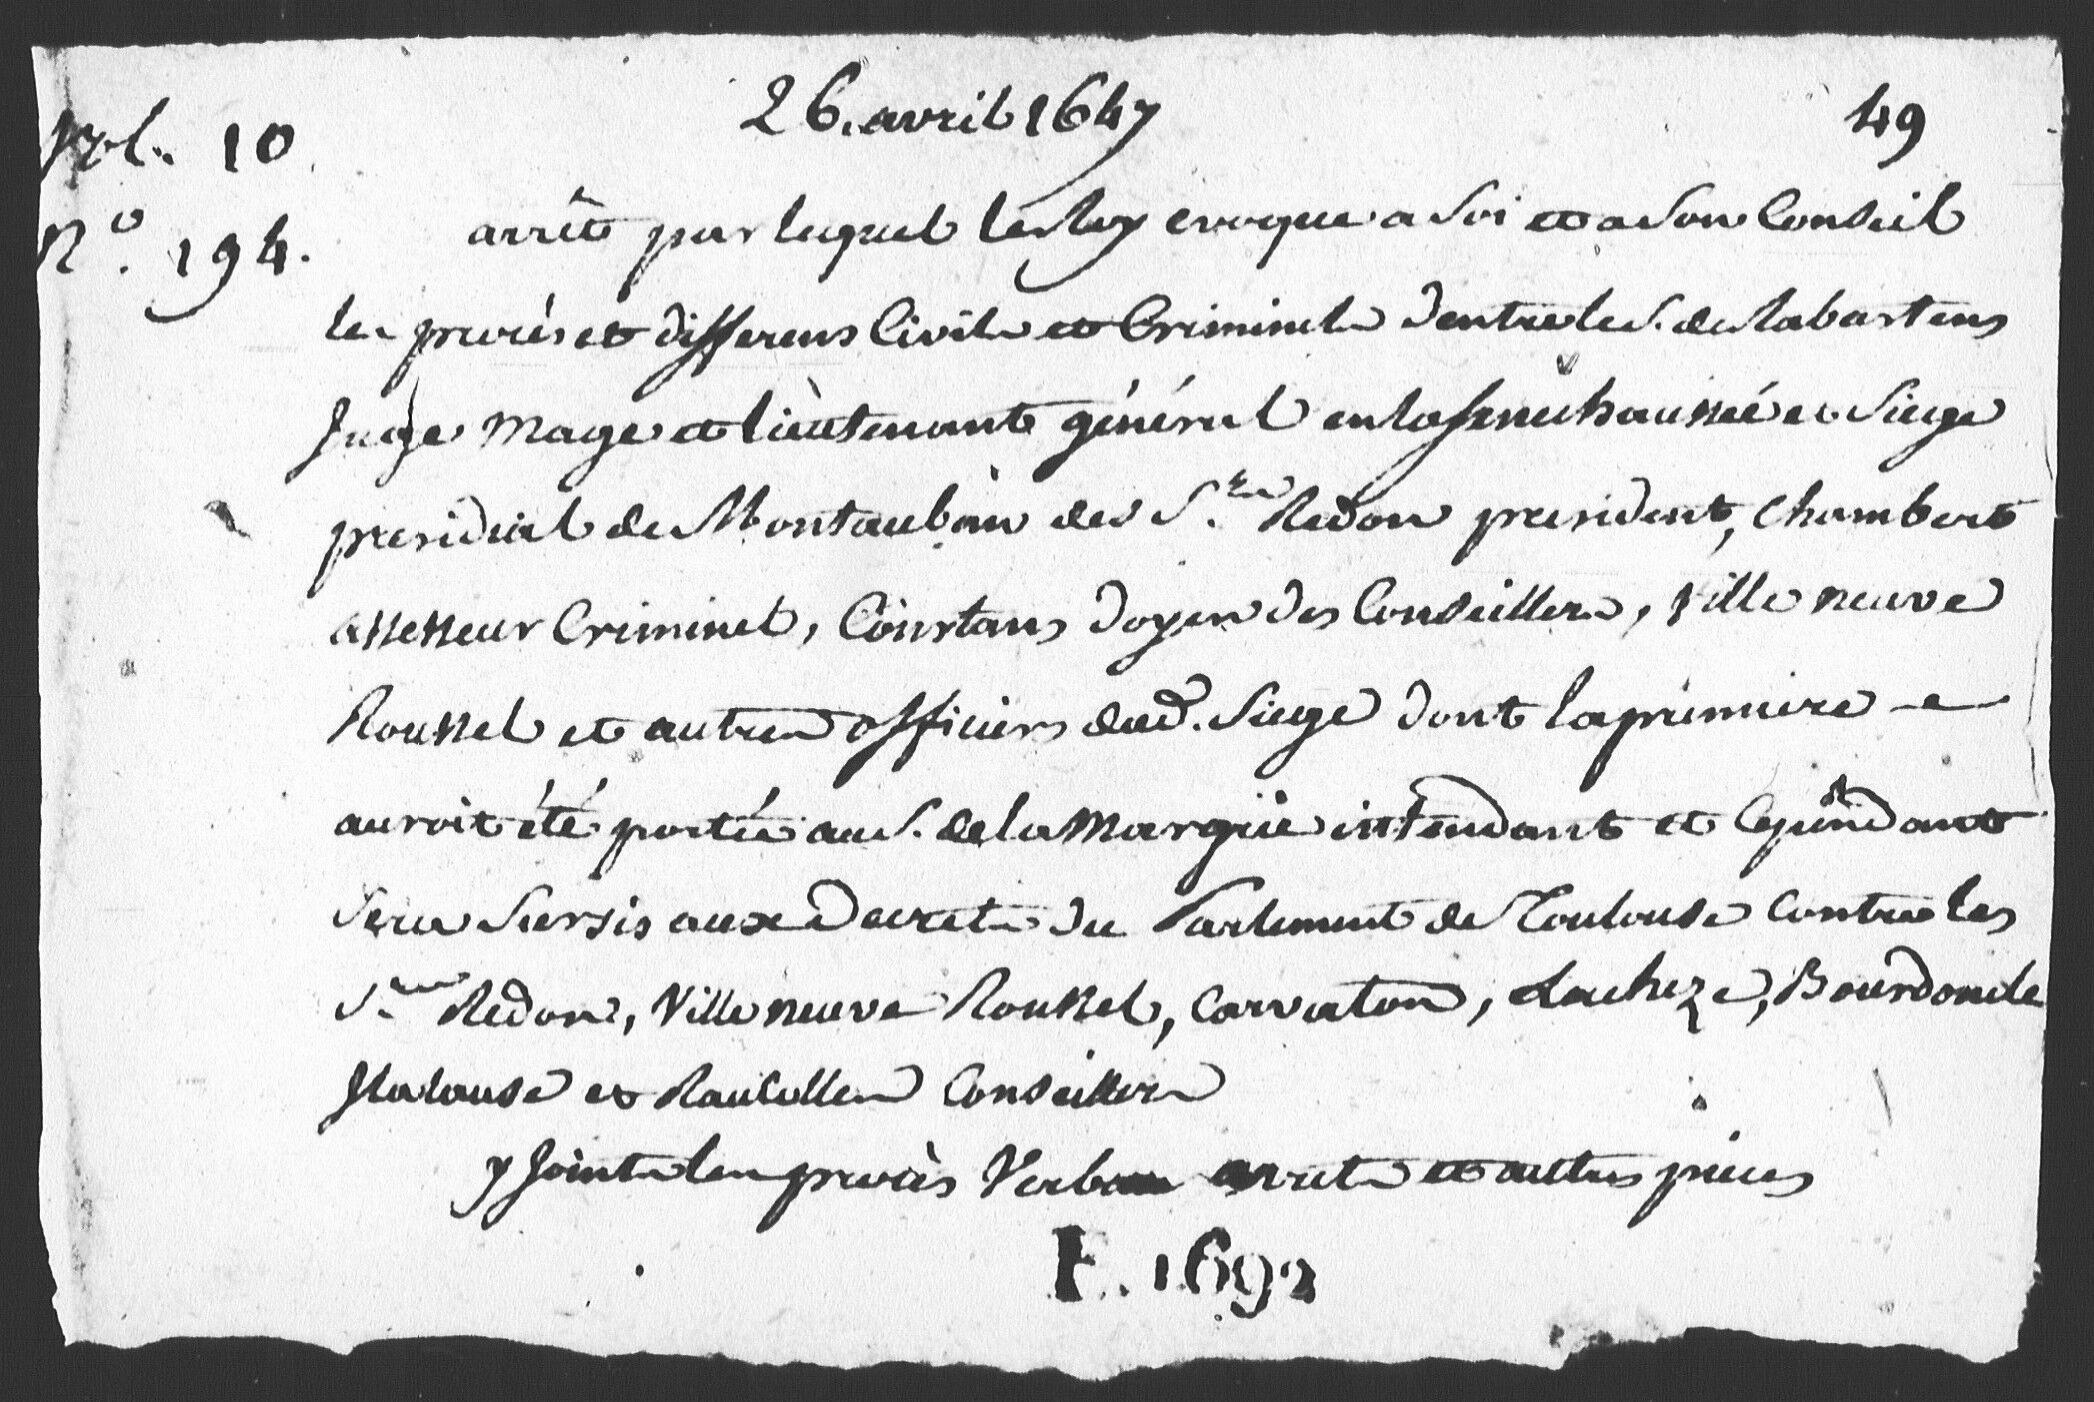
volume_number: n° 194
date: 26 avril 1647
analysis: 49
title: Arrêt par lequel les roy evoque a soi et a son Conseil les procès et differens civils et criminels d'entre le Sieur de Rabastens juge mage et lieutenant général en la sénéchaussée et siège presidial de Montauban des Sieurs Redon president, Chambert assesseur criminel, Constans doyen des Conseillers, Villeneuve Roussel et autres officiers dudit siege dont la première auroit été portée au S. de la Margrie intendant et cependant sera sursis aux decrets du Parlement de Toulouse contre les sieurs Redon, Villeneuve Roussel, Carvaton, Lacheze, Bourdonde, Halause et Raucolles conseillers. Y joint des procès verbaux arrets et autres pieces.
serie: E
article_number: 1692
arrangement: Volume 10
